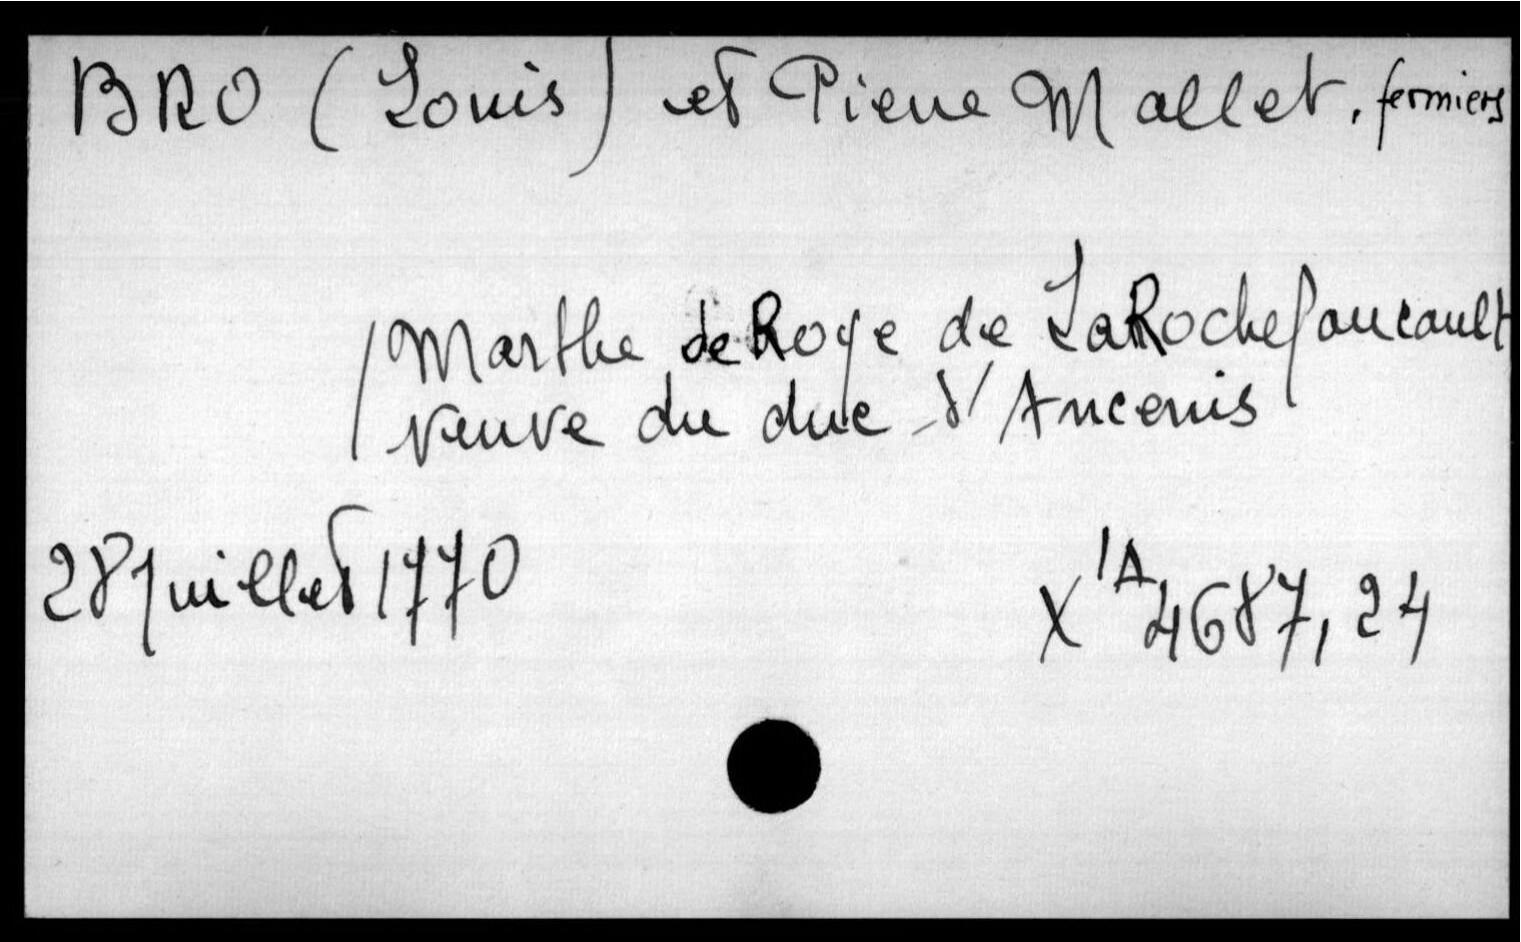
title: BRO (Louis) et Pierre Mallet, fermiers
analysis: Contre Marthe de Roye de Larochefoucault Veuve du duc d'Ancenis
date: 28 juillet 1770
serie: X1A
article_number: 4687
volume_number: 24
